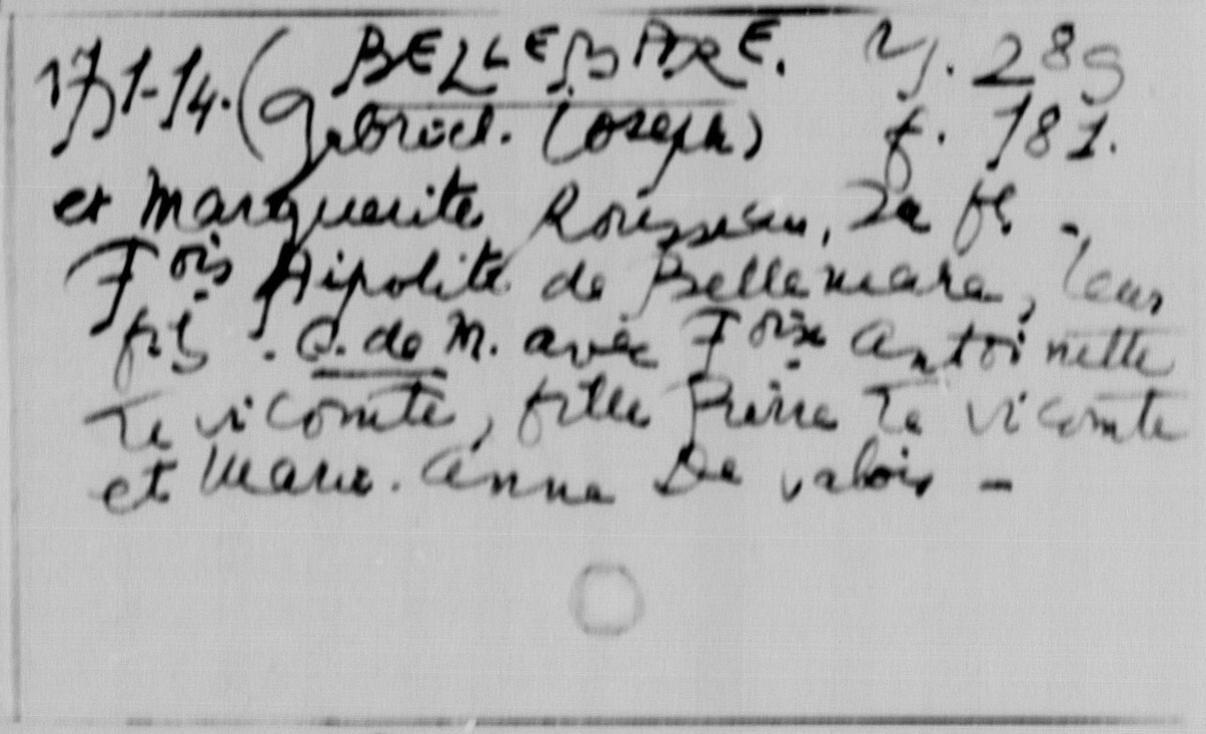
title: BELLEMARE (Gabriel-Joseph)
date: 1711-1714
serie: Y
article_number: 289
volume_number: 181
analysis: et Marguerite Rousseau, sa femme, François Hipolite de Bellemare, leur fils. Contrat de mariage avec Françoise Antoinette Le Vicomte, fille Pierre Le Vicomte et Marie Anne de Valois.
